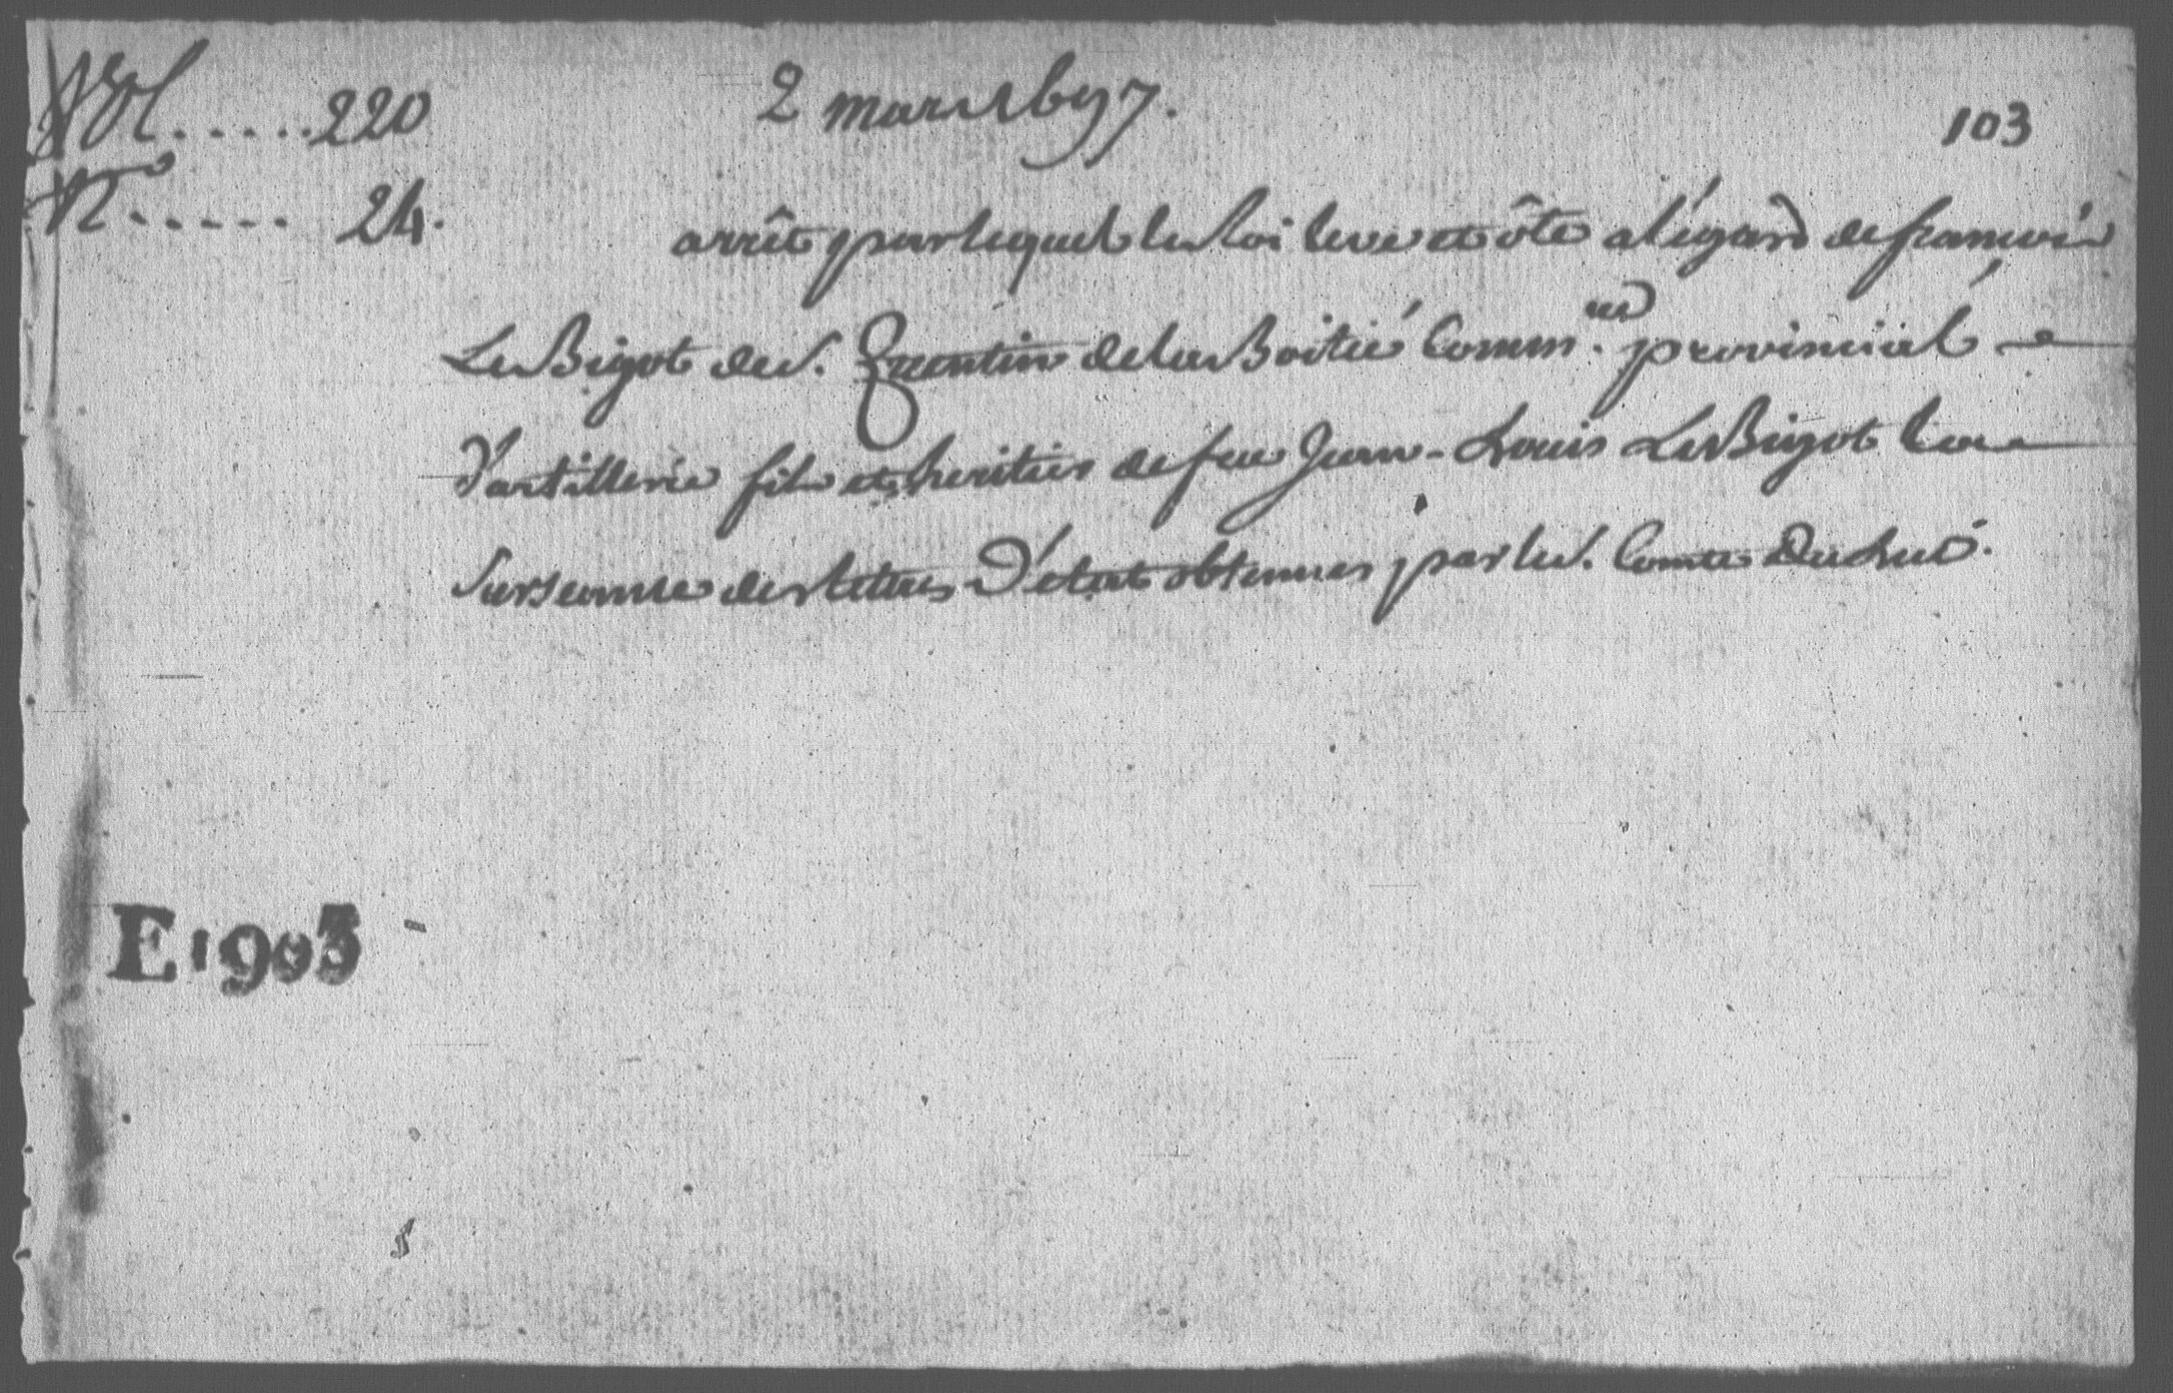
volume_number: n°24
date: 2 mars 1697
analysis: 103
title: arrêt par lequel le Roi leve et ôte a l'egard de françois Le Bigot de S. Quentin de la Boitié comm.re provincial d'artillerie fils et heritier de feu Jean-Louis Le Bigot la surseance des lettres détat obtenues par le S. Comte Du Lut.
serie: E
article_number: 1903
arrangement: vol. 220
